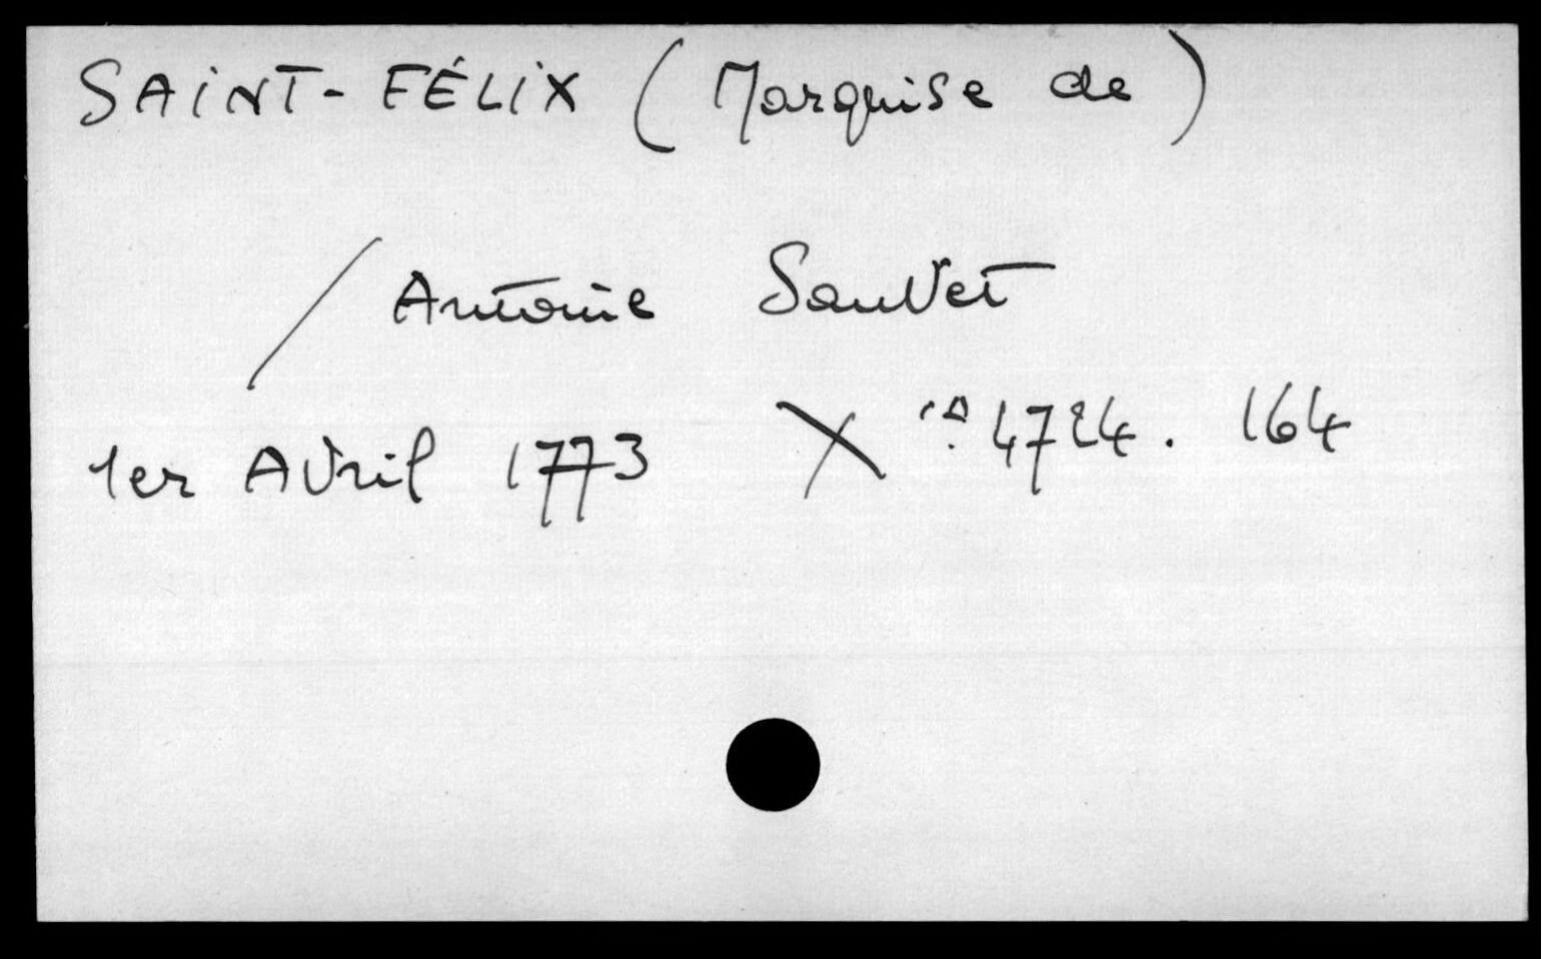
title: SAINT-FÉLIX (Marquise de)
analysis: Contre Antoine Sauvet
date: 1 avril 1773
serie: X1A
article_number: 4724
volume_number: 164
